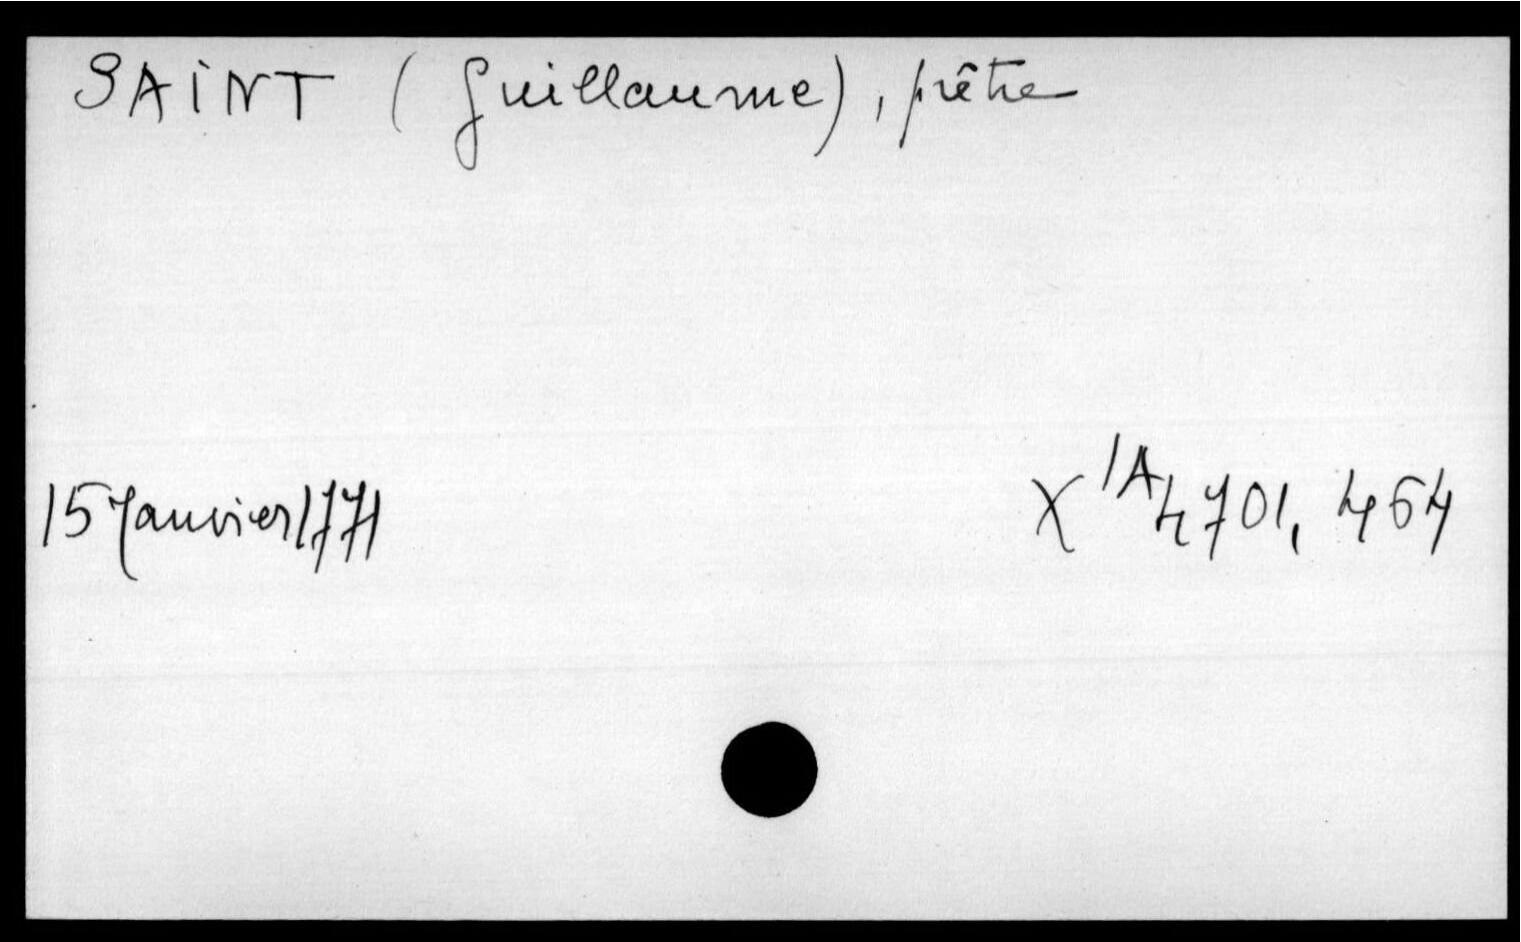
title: SAINT (Guillaume), prêtre
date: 15 janvier 1771
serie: X1A
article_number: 4701
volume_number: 464
